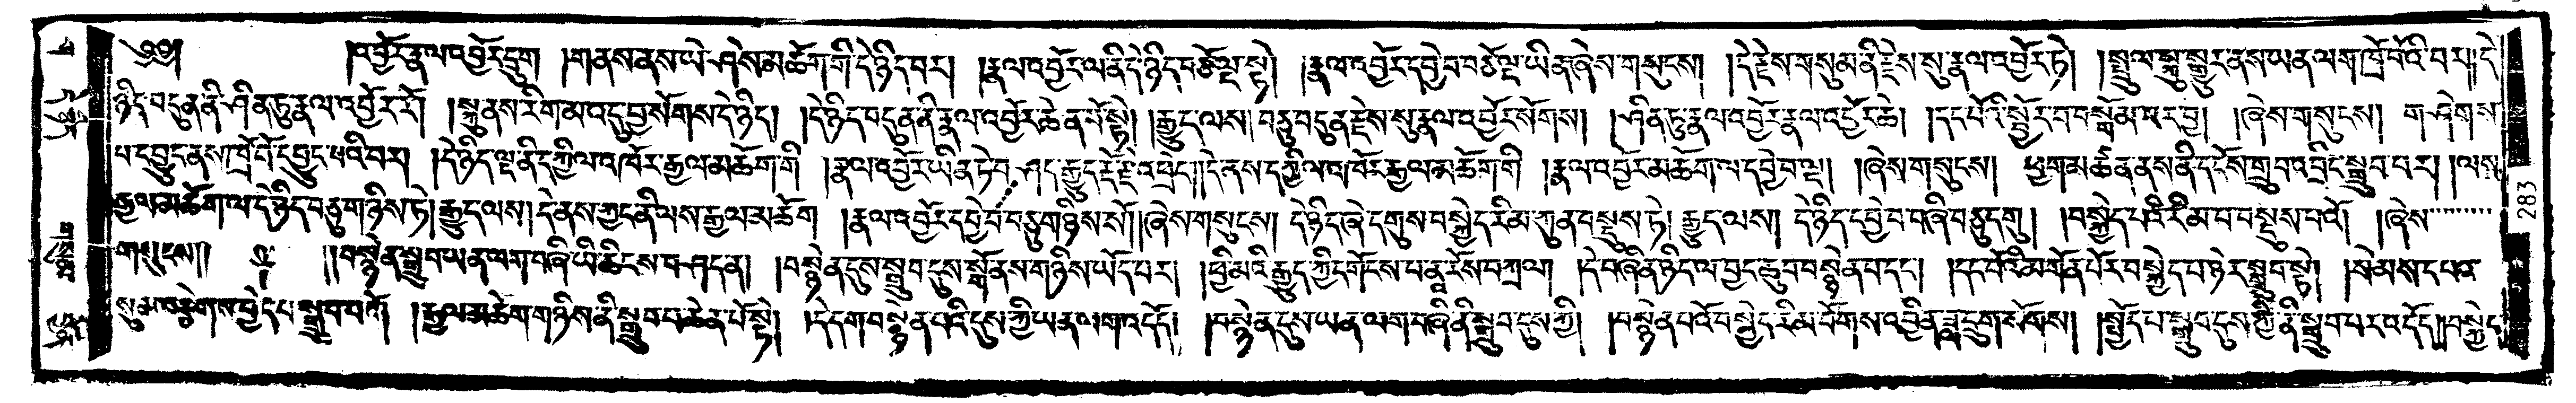༄༅། །འབྱོར་རྣལ་འབྱོར་དྲུག །གནས་ནས་ཡེ་ཤེས་མཆོག་གི་དེ་ཉིད་བར། །རྣལ་འབྱོར་ལ་ནི་དེ་ཉིད་བཅོ་ལྔ་སྟེ། །རྣལ་འབྱོར་དབྱེ་བ་བཅོ་ལྔ་ཡིན་ཞེས་གསུངས། །དེ་རྗེས་གསུམ་ནི་རྗེས་སུ་རྣལ་འབྱོར་ཏེ། །སྤྲུལ་སྐུ་སྒྱུར་ནས་ཡན་ལག་ཁྲོ་བོའི་བར། །དེ་
ཉིད་བདུན་ནི་ཤིན་ཏུ་རྣལ་འབྱོར་རོ། །སྐུ་ནས་རིག་མ་འདུ་བྱ་སོགས་དེ་ཉིད། །དེ་ཉིད་བདུན་ནི་རྣལ་འབྱོར་ཆེན་པོ་སྟེ། །རྒྱུད་ལས། བཅུ་བདུན་རྗེས་སུ་རྣལ་འབྱོར་སོགས། །ཤིན་ཏུ་རྣལ་འབྱོར་རྣལ་འབྱོར་ཆེ། །དང་པོའི་སྦྱོར་བ་བསྒོམ་པར་བྱ། །ཞེས་གསུངས། གཤེགས་
པ་དབྱུང་ནས་ཁྲོ་བོ་དབྱུང་པའི་བར། །དེ་ཉིད་ལྔ་ནི་དཀྱིལ་འཁོར་རྒྱལ་མཆོག་གི །རྣལ་འབྱོར་ཡིན་ཏེ་བཤད་རྒྱུད་རྡོ་རྗེ་འཕྲེང་། །དེ་ནས་དཀྱིལ་འཁོར་རྒྱལ་མཆོག་གི །རྣལ་འབྱོར་མཆོག་ལ་དབྱེ་བ་ལྔ། །ཞེས་གསུངས། ཕྱག་མཚན་ནས་ནི་དངོས་གྲུབ་འབྲིང་སྒྲུབ་པར། །ལས་
རྒྱལ་མཆོག་ལ་དེ་ཉིད་བཅུ་གཉིས་ཏེ། རྒྱུད་ལས། དེ་ནས་ཀྱང་ནི་ལས་རྒྱལ་མཆོག །རྣལ་འབྱོར་དབྱེ་བ་བཅུ་གཉིས་སོ། །ཞེས་གསུངས། དེ་ཉིད་ཞེ་དགུས་བསྐྱེད་རིམ་ཀུན་བསྡུས་ཏེ། རྒྱུད་ལས། དེ་ཉིད་དབྱེ་བ་བཞི་བཅུ་དགུ། །བསྐྱེད་པའི་རིམ་པ་བསྡུས་པའོ། །ཞེས་
གསུངས།། ༈ །།བསྙེན་སྒྲུབ་ཡན་ལག་བཞི་ཡི་ཆིངས་བཤད་ན། །བསྙེན་དུས་སྒྲུབ་དུས་སྒོ་ནས་གཉིས་ཡོད་པར། །ཕྱི་མའི་རྒྱུད་ཀྱི་དགོངས་པ་ནཱ་རོས་བཀྲལ། །དེ་བཞིན་ཉིད་ལ་བྱང་ཆུབ་བསྙེན་པ་དང་། །དང་པོའི་མགོན་པོར་བསྐྱེད་པ་ཉེར་སྒྲུབ་སྟེ། །སེམས་དཔའ་
སུམ་བརྩེགས་བྱེད་པ་སྒྲུབ་པའོ། །རྒྱལ་མཆོག་གཉིས་ནི་སྒྲུབ་པ་ཆེན་པོ་སྟེ། །དེ་དག་བསྙེན་བའི་དུས་ཀྱི་ཡན་ལག་འདོད། །བསྙེན་དུས་ཡན་ལག་བཞི་ནི་སྒྲུབ་དུས་ཀྱི། །བསྙེན་པའོ་བསྐྱེད་རིམ་བོགས་འབྱིན་ཟླ་དྲུག་སོགས། །སྤྱོད་པ་སྒྲུབ་དུས་ཀྱི་ནི་སྒྲུབ་པར་འདོད། །བསྐྱེད་